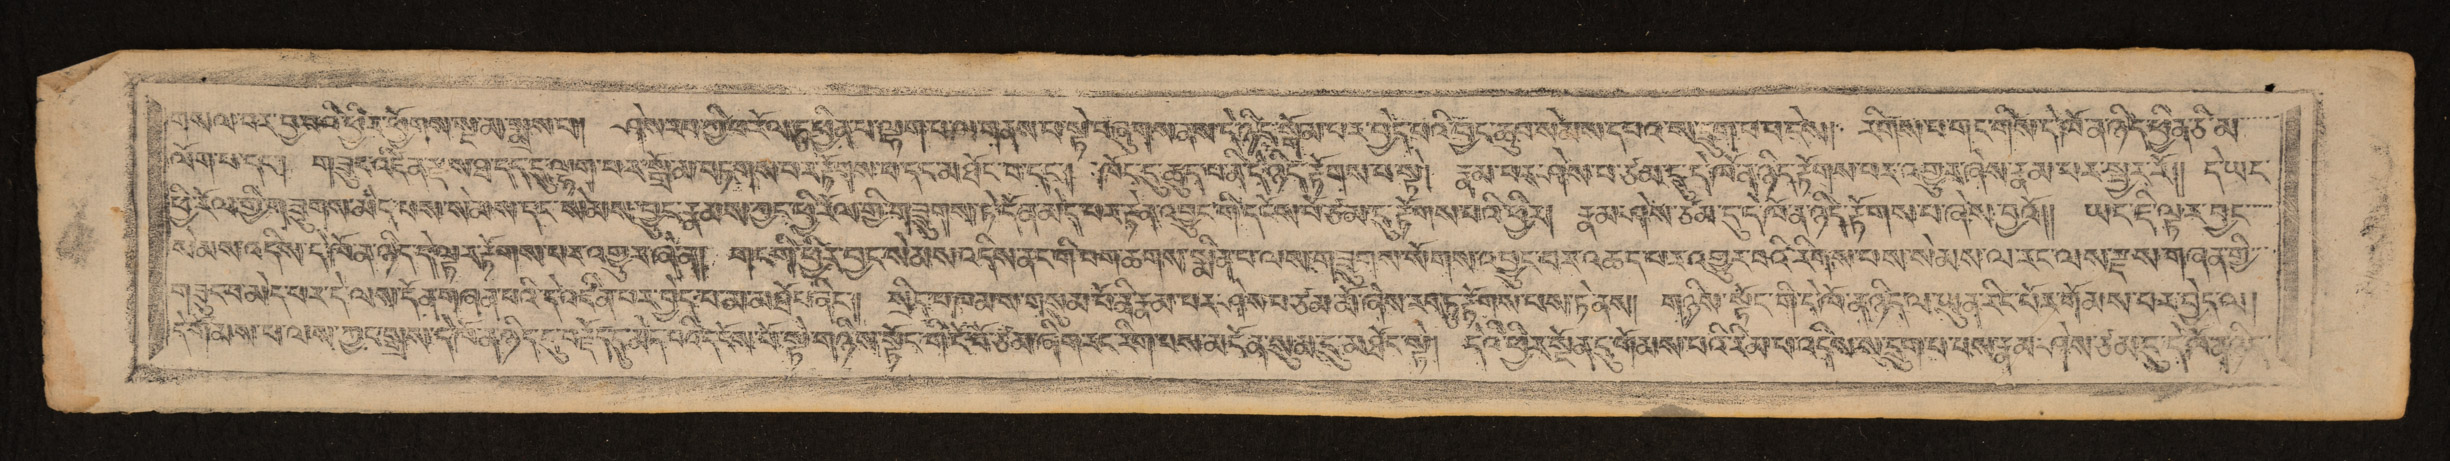གསལ་བར་བྱ་བའི་ཕྱིར་ཕྱོགས་སྔ་མ་སྨྲས་པ། ཤེས་རབ་ཀྱི་ཕ་རོལ་ཏུ་ཕྱིན་པ་ལྷག་པ་ལ་གནས་པ་སྟེ་བཞུགས་ནས་དེ་ཉིད་སྒོམ་པར་བྱེད་པའི་བྱང་ཆུབ་སེམས་དཔའ་ས་དྲུག་པ་བ་དེས། རིགས་པ་གང་གིས་དེ་ཁོ་ན་ཉིད་ཕྱིན་ཅི་མ་
ལོག་པ་དང་། གཟུང་འཛིན་རྫས་ཐ་དད་དུ་ལྷག་པར་སྒྲོ་མ་བཏགས་པར་རྟོགས་པ་དང་མཐོང་བ་དང་། ཁོང་དུ་ཆུད་པ་ནི་དེ་ཉིད་རྟོགས་པ་སྟེ། རྣམ་པར་ཤེས་པ་ཙམ་དུ་དེ་ཁོ་ན་ཉིད་རྟོགས་པར་འགྱུར་ཞེས་རྣམ་པར་སྦྱར་རོ།། དེ་ཡང་
ཕྱི་རོལ་གྱི་གཟུགས་མེད་པས་སེམས་དང་སེམས་བྱུང་རྣམས་ཀྱང་ཕྱི་རོལ་གྱི་གཟུགས་ཏེ་དོན་མེད་པར་རྟེན་འབྱུང་གི་དངོས་པོ་ཙམ་དུ་རྟོགས་པའི་ཕྱིར། རྣམ་ཤེས་ཙམ་དུ་དེ་ཁོ་ན་ཉིད་རྟོགས་པ་ཞེས་བྱའོ།། ཡང་ཇི་ལྟར་བྱང་
སེམས་འདིས་དེ་ཁོ་ན་ཉིད་དེ་ལྟར་རྟོགས་པར་འགྱུར་ཞེ་ན། གང་གི་ཕྱིར་བྱང་སེམས་འདིས་ནང་གི་བག་ཆགས་སྨིན་པ་ལས་གཟུགས་སོགས་འབྱུང་བར་འཆད་པར་འགྱུར་བའི་རིགས་པས་སེམས་ལ་རང་ལས་རྫས་གཞན་གྱི་
གཟུང་བ་མེད་པར་དེ་ལས་དོན་གཞན་པའི་དེ་འཛིན་པར་བྱེད་པ་མ་མཐོང་ཞིང་། སྲིད་པ་ཁམས་གསུམ་པོ་ནི་རྣམ་པར་ཤེས་པ་ཙམ་མོ་ཞེས་རབ་ཏུ་རྟོགས་པས་ཏེ་ནས། གཉིས་སྟོང་གི་དེ་ཁོ་ན་ཉིད་ལ་ཡུན་རིང་པོར་གོམས་པར་བྱེད་ལ།
དེ་གོམས་པ་ལས་ཀྱང་སྒྲས་དེ་ཁོ་ན་ཉིད་དུ་བརྗོད་དུ་མེད་པའི་དངོས་པོ་སྟེ་གཉིས་སྟོང་གི་ངོ་པོ་ཙམ་ཞིག་རང་རིག་པས་མངོན་སུམ་དུ་མཐོང་སྟེ། དེའི་ཕྱིར་སྔོན་དུ་གོམས་པའི་རིམ་པ་འདིས་ས་དྲུག་པ་པས་རྣམ་ཤེས་ཙམ་དུ་དེ་ཁོ་ན་ཉིད་